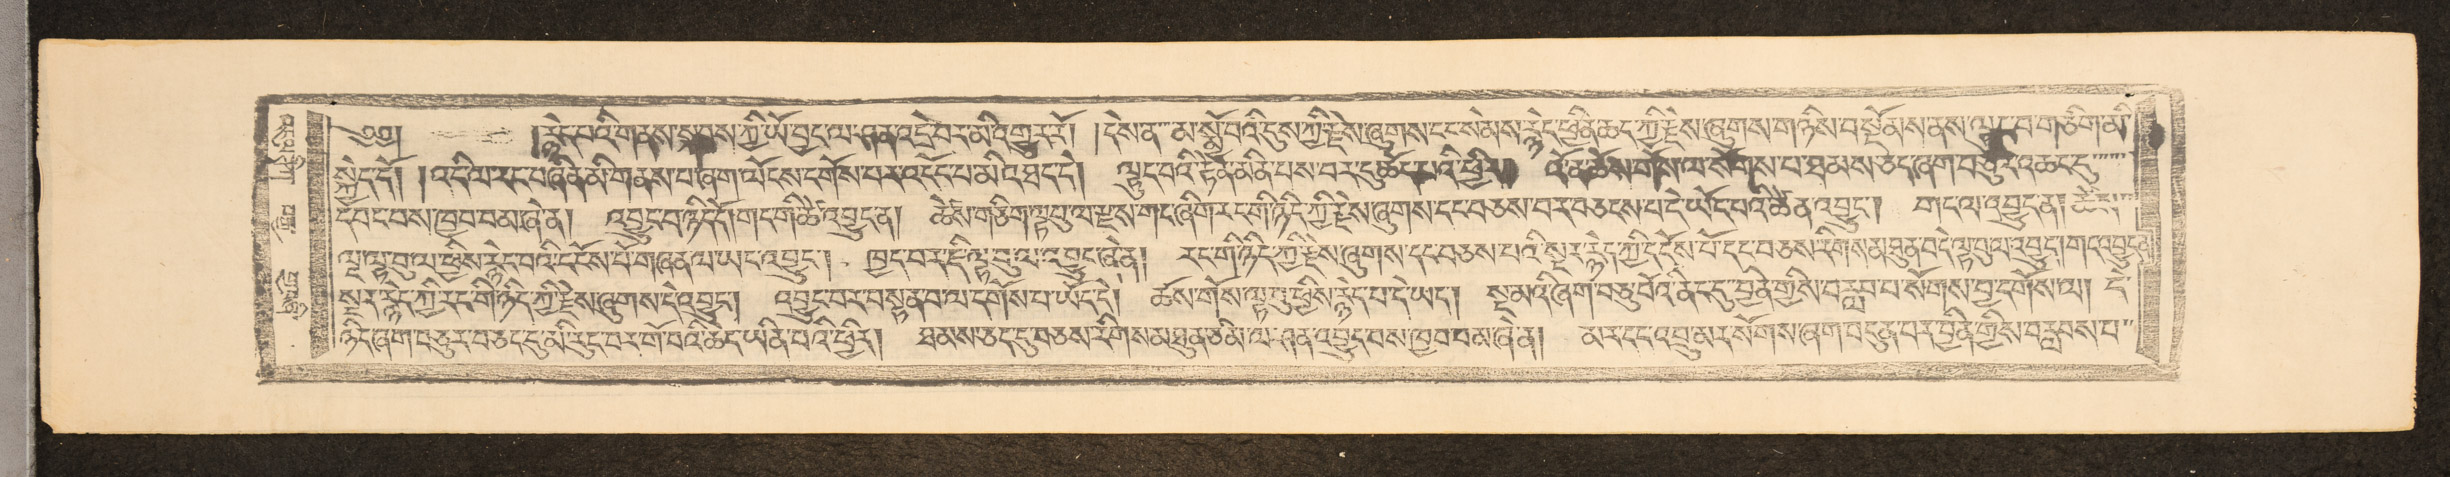༄༅། །རྙེད་པའི་གནས་སྐབས་ཀྱི་ཡོ་བྱད་ལ་ཤན་འདྲེ་བར་མི་འགྱུར་རོ། །དེས་ན་མ་སྨྱོ་བའི་དུས་ཀྱི་རྗེས་ཞུགས་དང་སེམས་རྙེད་ཕྱིན་ཆད་ཀྱི་རྗེས་ཞུགས་གཉིས་བསྡོམས་ནས་ལྟུང་བ་གཅིག་མི་
སྐྱེད་དོ། །འདི་ལ་རང་བཞིན་མི་གནས་པ་ཞག་ལོངས་དགོས་པར་འདོད་པ་མི་འཐད་དེ། ལྟུང་བའི་རྟེན་མིན་པས་བར་དུ་ཆོད་པའི་ཕྱིར། འོ་ན་ཆོས་གོས་ལ་སོགས་པ་ཐམས་ཅད་ཞག་བཅུར་འཆང་དུ་
དབང་བས་ཁྱབ་བམ་ཞེ་ན། འབྱུང་བ་ཉིད་དོ། གང་གི་ཚེ་འབྱུང་ན། ཚེས་གཅིག་ལྟ་བུ་ལ་རྫས་གང་ཞིག་རང་གི་ཉིད་ཀྱི་རྗེས་ཞུགས་དང་བཅས་པར་བཅངས་པ་དེ་ཡོད་པའི་ཚེ་ན་འབྱུང་། གང་ལ་འབྱུང་ན། ཆོས་
ལྔ་ལྟ་བུ་ལ་ཕྱིས་རྙེད་པའི་དངོས་པོ་གཞན་ལ་ཡང་འབྱུང་། ཁྱད་པར་ཇི་ལྟ་བུ་ལ་འབྱུང་ཞེ་ན། རང་གི་ཉིད་ཀྱི་རྗེས་ཞུགས་དང་བཅས་པའི་སྔར་རྙེད་ཀྱི་དངོས་པོ་དང་བཅས་རིགས་མཐུན་པ་དེ་ལྟ་བུ་ལ་འབྱུང་། གང་འབྱུང་ན་
སྔར་རྙེད་ཀྱི་རང་གི་ཉིད་ཀྱི་རྗེས་ཞུགས་དེ་འབྱུང་། འབྱུང་བར་བསྟན་པ་ལ་དགོས་པ་ཡོད་དེ། ཆོས་གོས་ལྟ་བུ་ཕྱིས་རྙེད་པ་དེ་ཡང་། སྔ་མའི་ཞག་བཅུ་པོའི་ནང་དུ་བྱིན་གྱིས་བརླབ་པ་སོགས་བྱ་དགོས་ལ། དེ་
ཉིད་ཞག་བཅུར་བཅད་དུ་མི་རུང་བར་གོ་བའི་ཆེད་ཡིན་པའི་ཕྱིར། ཐམས་ཅད་དུ་བཅས་རིགས་མཐུན་ཙམ་ལ་ཤན་འབྱུང་བས་ཁྱབ་བམ་ཞེ་ན། མར་དང་འབྲུ་མར་སོགས་ཞག་བདུན་བར་བྱིན་གྱིས་བརླབས་པ་